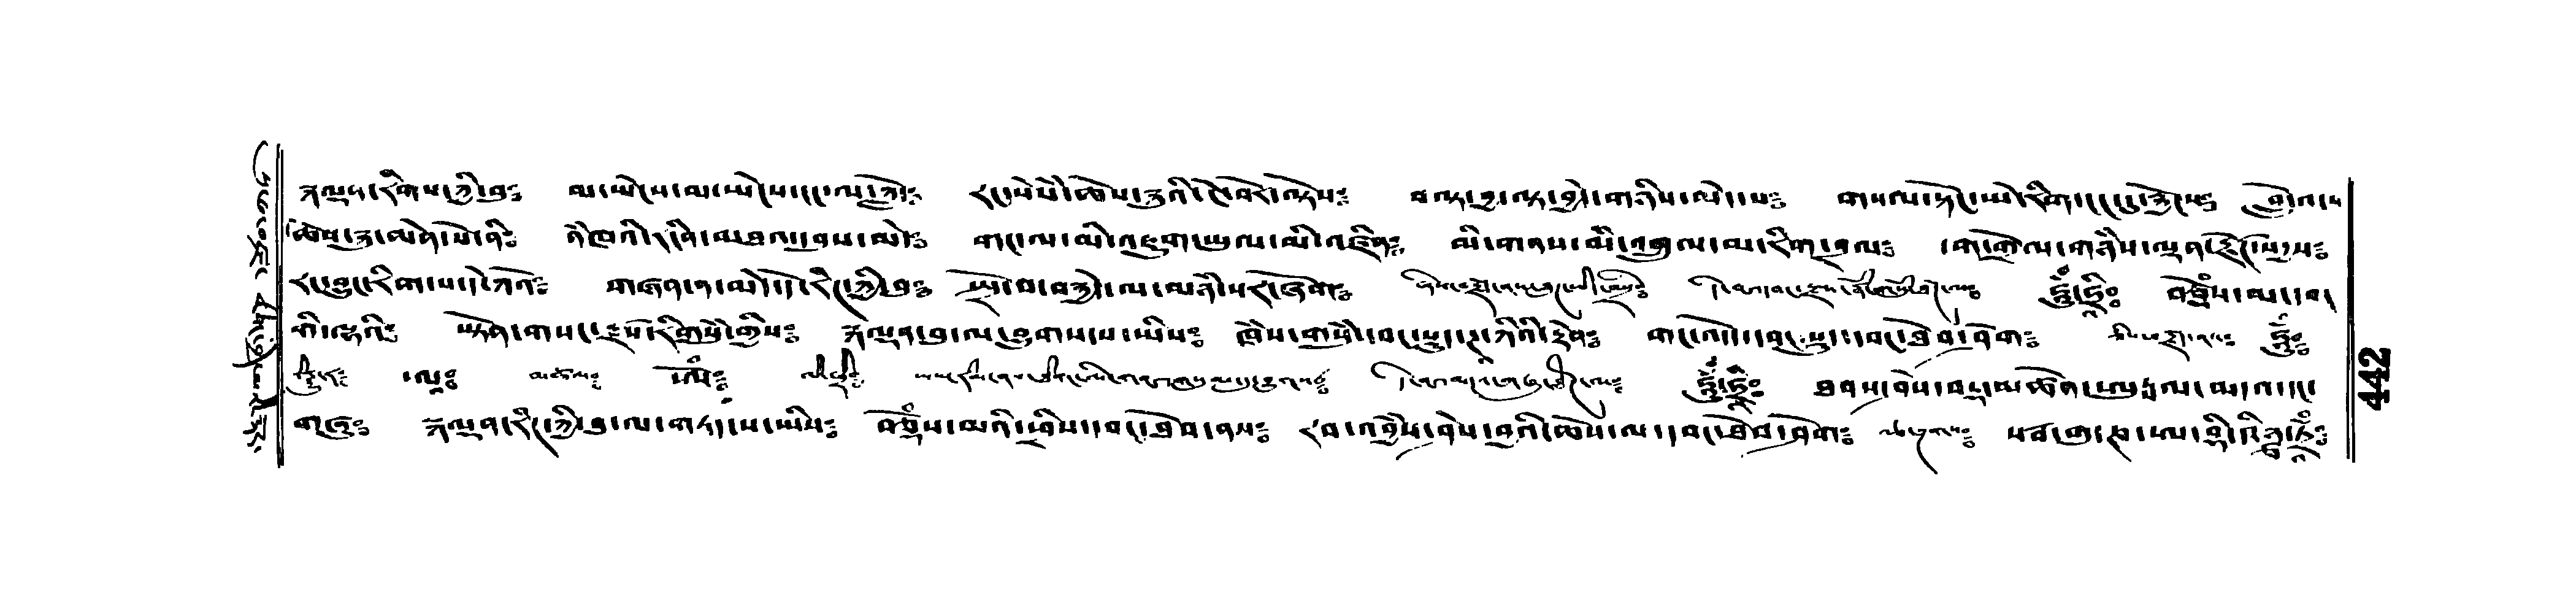སྐལ་ལྡན་རིགས་ཀྱི་བུ༔ མ་ཡེངས་མ་ཡེངས་ངང་ལ་ཀློད༔ རང་སེམས་ཆོས་སྐུའི་ངོ་བོར་ལྟོས༔ བལྟ་བྱ་ལྟ་བྱེད་གཉིས་མེད་པ༔ གསལ་སྟོང་ཡེ་རིག་ངང་དུ་རྐྱོངས༔ བློ་འདས་
ཆོས་སྐུ་ཆེན་པོ་ནི༔ ནམ་མཁའ་རང་བཞིན་མཐའ་དབུས་མེད༔གང་ལ་མི་འཇུག་ཡུལ་མི་འཛིན༔ མི་གནས་མི་འཁྲུལ་མ་རིག་བྲལ༔ དག་གྲོལ་གཉིས་ལྡན་རྫོགས་སངས་རྒྱས༔ 
རང་བྱུང་རིག་པ་དེ་ཀའོ༔ གཞན་ན་མེད་དོ་རིགས་ཀྱི་བུ༔ སྤྲོ་བ་བསྐྱེད་ལ་མཉམ་པར་ཞོག༔ ཞེས་བརྗོད་ནས་ཐུགས་ཡིད་བསྲེ༔ དེ་ནས་དབང་རྫས་རྣམ་གསུམ་ཐོགས་ལ༔ ཧཱུྃ་ཧྲཱིཿ བཅོམ་ལྡན་འདས་མ་དབང་
གི་ལྷའི༔ ཡོན་ཏན་གསང་རྫས་རིག་གསུམ་གྱིས༔ སྐལ་ལྡན་བུ་ལ་བྱུགས་པ་ཡིས༔ ཁམས་གསུམ་དབང་སྡུད་ཌཱ་ཀིའི་རྟེན༔ གང་འདོད་དབང་སྡུད་དབང་ཐོབ་ཤོག༔ ཅེས་བརྗོད་ནས༔ ཧཱུྃ༔ 
སིནྡྷུུ་ར༔ ཨཱཿ མཚལ༔ ཨོཾ༔ ལི་ཁྲི༔ ཡས་རིམ་ནས་ཐིག་ལེ་གནས་གསུམ་དུ་བྱུགས༔ དེ་ནས་མདའ་གཞུ་ཐོགས་ལ༔ ཧཱུྃ་ཧྲཱིཿ ཐབས་ཤེས་བརྡ་མཚོན་ཨུཏྤལ་མདའ་དང་
གཞུ༔ སྐལ་ལྡན་རིགས་ཀྱི་བུ་ལ་གཏད་པ་ཡིས༔ བཅོམ་ལྡན་འདས་མའི་ཕྲིན་ལས་དབང་ཐོབ་ནས༔ རབ་འབྱམས་ཤེས་བྱའི་ཆོས་ལ་དབང་ཐོབ་ཤོག༔ རྩ་སྔགས༔ སརྦ་གུ་ཎ་ཨ་བྷི་རིཉྩ་ཏྲཱྃ༔